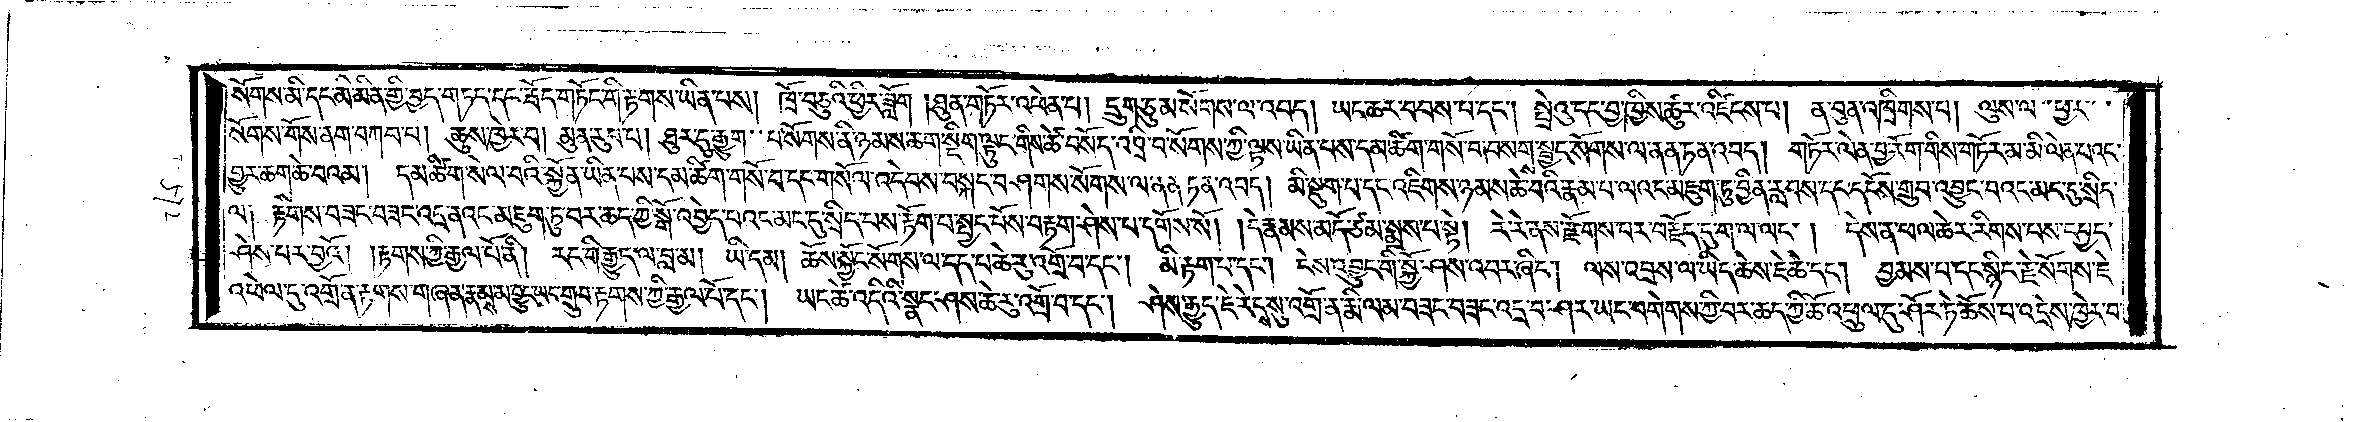སོགས་མི་དང་མི་མིན་གྱི་བྱད་གཏབ་དང་རྦོད་གཏོང་གི་རྟགས་ཡིན་པས། ཁྲོ་བཅུའི་ཕྱིར་ཟློག །ཐུན་གཏོར་འཕེན་པ། དྲུག་ཅུ་མ་སོགས་ལ་འབད། ཡང་ཆར་བབས་པ་དང་། སྤྲེའུ་དང་བྱ་ཁྱིས་ཚུར་འཛིངས་པ། ན་བུན་འཁྲིགས་པ། ལུས་ལ་ཕྱར་
སོགས་གོས་ནག་བཀབ་པ། ཆུས་ཁྱེར་བ། མུན་རུབ་པ། ཐུར་དུ་རྒྱུག་པ་སོགས་ནི་ཉམས་ཆག་སྡིག་ལྟུང་གིས་ཚེ་བསོད་འབྲི་བ་སོགས་ཀྱི་ལྟས་ཡིན་པས་དམ་ཚིག་གསོ་བ། བསགས་སྦྱར་སོགས་ལ་ནན་ཏན་འབད། གཏེར་ལེན་བྱ་རོག་གིས་གཏོར་མ་མི་ལེན་བའང་
བྱུར་ཆག་ཆེ་བའམ། དམ་ཚིག་སེལ་བའི་སྐྱོན་ཡིན་པས་དམ་ཚིག་གསོ་བ་དང་གསོལ་བ་འདེབས་བསྐང་བཤགས་སོགས་ལ་ནན་ཏན་འབད། མི་སྡུག་པ་དང་འཇིགས་ཉམས་ཆེ་བའི་རྣམ་པ་ལའང་མཇུག་ཏུ་བྱིན་རླབས་དང་དངོས་གྲུབ་འབྱུང་པའང་མང་དུ་སྲིད་
ལ༑ རྟགས་བཟང་བཟང་འདྲ་ནའང་མཇུག་ཏུ་བར་ཆད་ཀྱི་སྒོ་འབྱེད་པའང་མང་དུ་སྲིད་པས་རྟོག་པ་སྤྱང་པོས་བརྟག་ཤེས་པ་དགོས་སོ། །དེ་རྣམས་མདོ་ཙམ་སྨྲས་པ་སྟེ། རེ་རེ་ནས་རྫོགས་པར་བརྗོད་དུ་ག་ལ་ལང་། དེས་ན་ཕལ་ཆེར་རིགས་པས་དཔྱད་
ཤེས་བར་བྱའོ། །རྟགས་ཀྱི་རྒྱལ་པོ་ནི། རང་གི་རྒྱུད་ལ་བླ་མ། ཡི་དམ། ཆོས་སྐྱོང་སོགས་ལ་དད་པ་ཆེ་རུ་འགྲོ་བ་དང་། མི་རྟག་པ་དང་། ངེས་འབྱུང་གི་སྐྱོ་ཤས་འབར་ཞིང་། ལས་འབྲས་ལ་ཡིད་ཆེས་ཇེ་ཆེ་དང་། བྱམས་པ་དང་སྙིང་རྗེ་སོགས་ཇེ་
འཕེལ་དུ་འགྲོ་ན་རྟགས་གཞན་རྣམས་མ་བྱུང་ཡང་གྲུབ་རྟགས་ཀྱི་རྒྱལ་བོ་དང་། ཡང་ཚེ་འདིའི་སྣང་ཤས་ཆེ་རུ་འགྲོ་བ་དང་། ཤེས་རྒྱུད་ཇེ་རེངས་སུ་འགྲོ་ན་རྨི་ལམ་བཟང་བཟང་འདྲ་བ་ཤར་ཡང་བགེགས་ཀྱི་བར་ཆད་ཀྱི་ཆོ་འཕྲུལ་དུ་ཤོར་ཏེ་ཆོས་པ་འདྲེས་ཁྱེར་བ་